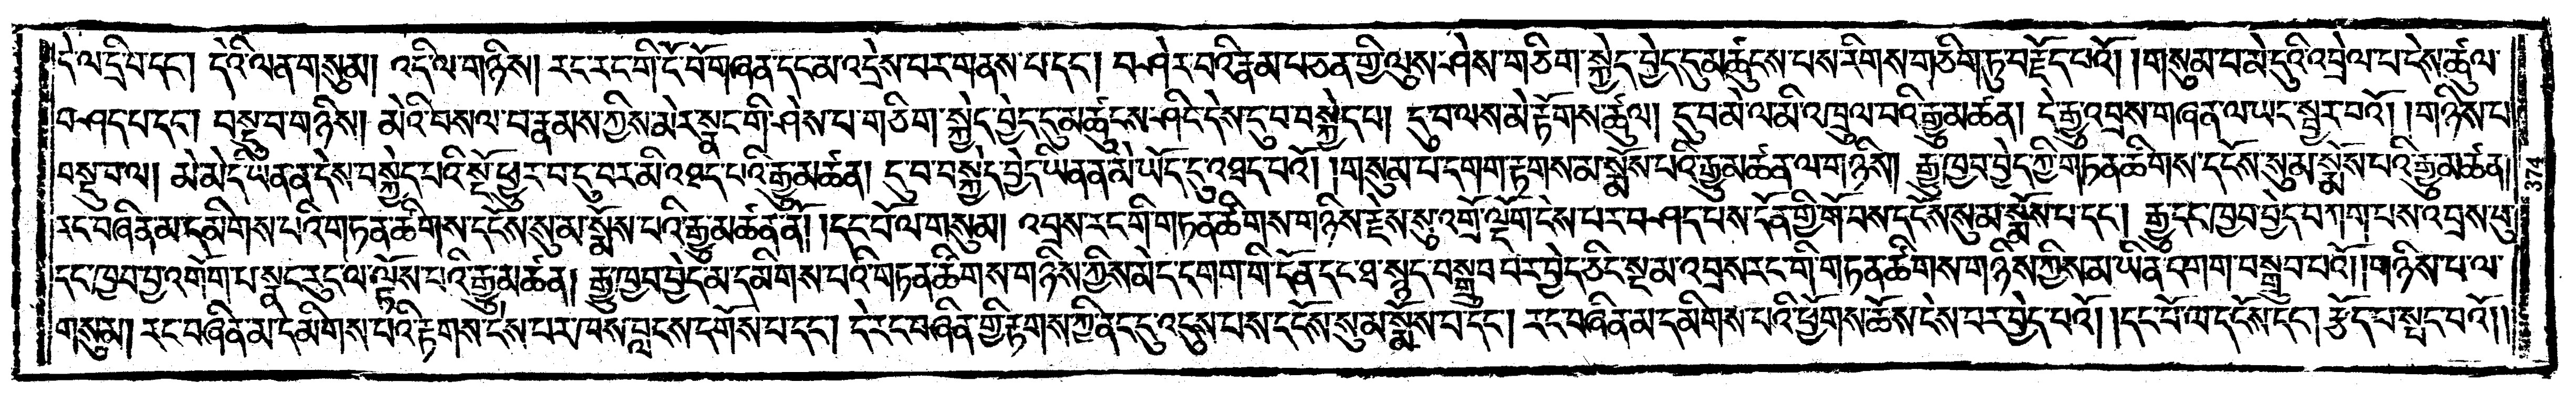དེ་ལ་དྲི་པ་དང་། དེའི་ལན་གསུམ། འདི་ལ་གཉིས། རང་རང་གི་ངོ་བོ་གཞན་དང་མ་འདྲེས་པར་གནས་པ་དང་། བཤེར་བའི་རྣམ་པ་ཅན་གྱི་ལུས་ཤེས་གཅིག་སྐྱེད་བྱེད་དུ་མཚུངས་པས་རིགས་གཅིག་ཏུ་བརྗོད་པའོ། །གསུམ་པ་མེ་དུའི་འབྲེལ་པ་དེས་ཚུལ་
བཤད་པ་དང་། བསྡུ་པ་གཉིས། མེའི་བསལ་བ་རྣམས་ཀྱིས་མེར་སྣང་གི་ཤེས་པ་གཅིག་སྐྱེད་བྱེད་དུ་མཚུངས་ཤིང་དེས་དུ་བསྐྱེད་པ། དུ་བ་ལས་མེ་རྟོགས་ཚུལ། དུ་བ་མེ་ལ་མི་འཁྲུལ་པའི་རྒྱུ་མཚན། དེ་རྒྱུ་འབྲས་གཞན་ལ་ཡང་སྦྱར་བའོ། །གཉིས་པ་
བསྡུ་པ་ལ། མེ་མེད་ཡིན་ན་དེས་བསྐྱེད་པའི་སྔོ་ཕྱུར་བ་དུ་བར་མི་འཐད་པའི་རྒྱུ་མཚན། དུ་བ་བསྐྱེད་བྱེད་ཡིན་ན་མེ་ཡོད་དུ་འཐད་པའོ། །གསུམ་པ་དགག་རྟགས་མ་སྨོས་པའི་རྒྱུ་མཚན་ལ་གཉིས། རྒྱུ་ཁྱབ་བྱེད་ཀྱི་གཏན་ཚིགས་དངོས་སུ་མ་སྨོས་པའི་རྒྱུ་མཚན།
རང་བཞིན་མ་དམིགས་པའི་གཏན་ཚིགས་དངོས་སུ་མ་སྨོས་པའི་རྒྱུ་མཚན་ནོ། །དང་པོ་ལ་གསུམ། འབྲས་རང་གི་གཏན་ཚིགས་གཉིས་རྗེས་སུ་འགྲོ་ལྡོག་ངེས་པར་བཤད་པས་དོན་གྱི་གོ་བས་དངོས་སུ་མ་སྨོས་པ་དང་། རྒྱུ་དང་ཁྱབ་བྱེད་བཀག་པས་འབྲས་བུ་
དང་ཁྱབ་བྱ་འགོག་པ་སྣང་རུང་ལ་ལྟོས་པའི་རྒྱུ་མཚན། རྒྱུ་ཁྱབ་བྱེད་མ་དམིགས་པའི་གཏན་ཚིགས་གཉིས་ཀྱིས་མེད་དགག་གི་དོན་དང་ཐ་སྙད་བསྒྲུབ་པར་བྱེད་ཅིང་སྔ་མ་འབྲས་རང་གི་གཏན་ཚིགས་གཉིས་ཀྱིས་མ་ཡིན་དགག་བསྒྲུབ་པའོ། །གཉིས་པ་ལ་
གསུམ། རང་བཞིན་མ་དམིགས་པའི་རྟགས་ངེས་པར་ཁས་བླངས་དགོས་པ་དང་། དེ་རང་བཞིན་གྱི་རྟགས་ཀྱི་ནང་དུ་འདུས་པས་དངོས་སུ་མ་སྨོས་པ་དང་། རང་བཞིན་མ་དམིགས་པའི་ཕྱོགས་ཆོས་ངེས་པར་བྱེད་པའོ། །དང་པོ་ལ་དངོས་དང་། རྩོད་པ་སྤང་བའོ།།